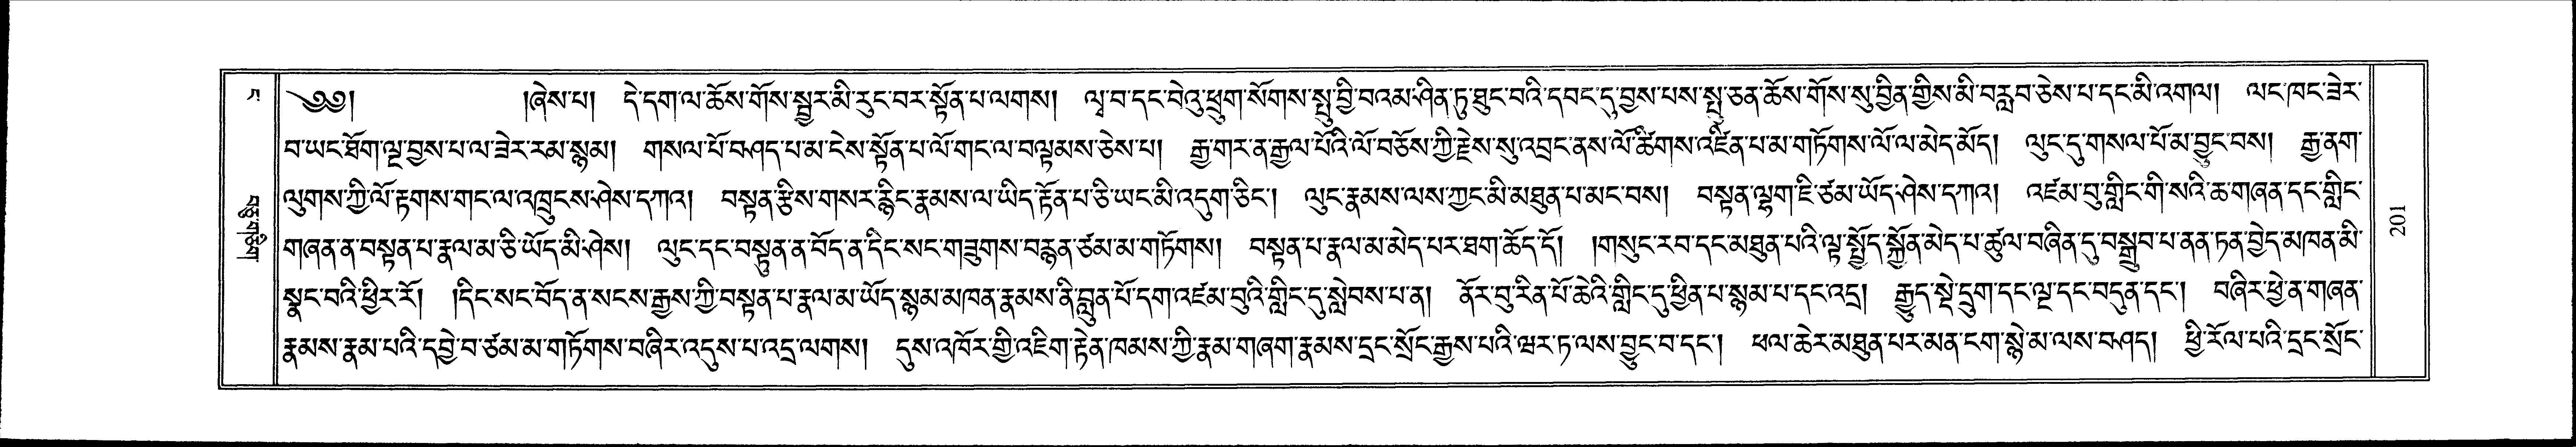༄༅། །ཞེས་པ། དེ་དག་ལ་ཆོས་གོས་སྦྱར་མི་རུང་བར་སྟོན་པ་ལགས། ལྭ་བ་དང་བེའུ་ཕྲུག་སོགས་སྤུ་བྱི་བའམ་ཤིན་ཏུ་ཐུང་བའི་དབང་དུ་བྱས་པས་སྤུ་ཅན་ཆོས་གོས་སུ་བྱིན་གྱིས་མི་བརླབ་ཅེས་པ་དང་མི་འགལ། ལང་ཁང་ཟེར་
བ་ཡང་ཐོག་ལྔ་བྱས་པ་ལ་ཟེར་རམ་སྙམ། གསལ་པོ་བཤད་པ་མ་ངེས་སྟོན་པ་ལོ་གང་ལ་བལྟམས་ཅེས་པ། རྒྱ་གར་ན་རྒྱལ་པོའི་ལོ་བཅོས་ཀྱི་རྗེས་སུ་འབྲང་ནས་ལོ་ཚིགས་འཛིན་པ་མ་གཏོགས་ལོ་ལ་མེད་མོད། ལུང་དུ་གསལ་པོ་མ་བྱུང་བས། རྒྱ་ནག་
ལུགས་ཀྱི་ལོ་རྟགས་གང་ལ་འཁྲུངས་ཤེས་དཀའ། བསྟན་རྩིས་གསར་རྙིང་རྣམས་ལ་ཡིད་རྟོན་པ་ཅི་ཡང་མི་འདུག་ཅིང་། ལུང་རྣམས་ལས་ཀྱང་མི་མཐུན་པ་མང་བས། བསྟན་ལྷག་ཇི་ཙམ་ཡོད་ཤེས་དཀའ། འཛམ་བུ་གླིང་གི་སའི་ཆ་གཞན་དང་གླིང་
གཞན་ན་བསྟན་པ་རྣལ་མ་ཅི་ཡོད་མི་ཤེས། ལུང་དང་བསྟུན་ན་བོད་ན་དིང་སང་གཟུགས་བརྙན་ཙམ་མ་གཏོགས། བསྟན་པ་རྣལ་མ་མེད་པར་ཐག་ཆོད་དོ། །གསུང་རབ་དང་མཐུན་པའི་ལྟ་སྤྱོད་སྐྱོན་མེད་པ་ཚུལ་བཞིན་དུ་བསྒྲུབ་པ་ནན་ཏན་བྱེད་མཁན་མི་
སྣང་བའི་ཕྱིར་རོ། །དིང་སང་བོད་ན་སངས་རྒྱས་ཀྱི་བསྟན་པ་རྣལ་མ་ཡོད་སྙམ་མཁན་རྣམས་ནི་བླུན་པོ་དག་འཛམ་བུའི་གླིང་དུ་སླེབས་པ་ན། ནོར་བུ་རིན་པོ་ཆེའི་གླིང་དུ་ཕྱིན་པ་སྙམ་པ་དང་འདྲ། རྒྱུད་སྡེ་དྲུག་དང་ལྔ་དང་བདུན་དང་། བཞིར་ཕྱེ་ན་གཞན་
རྣམས་རྣམ་པའི་དབྱེ་བ་ཙམ་མ་གཏོགས་བཞིར་འདུས་པ་འདྲ་ལགས། དུས་འཁོར་གྱི་འཇིག་རྟེན་ཁམས་ཀྱི་རྣམ་གཞག་རྣམས་དྲང་སྲོང་རྒྱས་པའི་ཝར་ཏ་ལས་བྱུང་བ་དང་། ཕལ་ཆེར་མཐུན་པར་མན་ངག་སྙེ་མ་ལས་བཤད། ཕྱི་རོལ་པའི་དྲང་སྲོང་